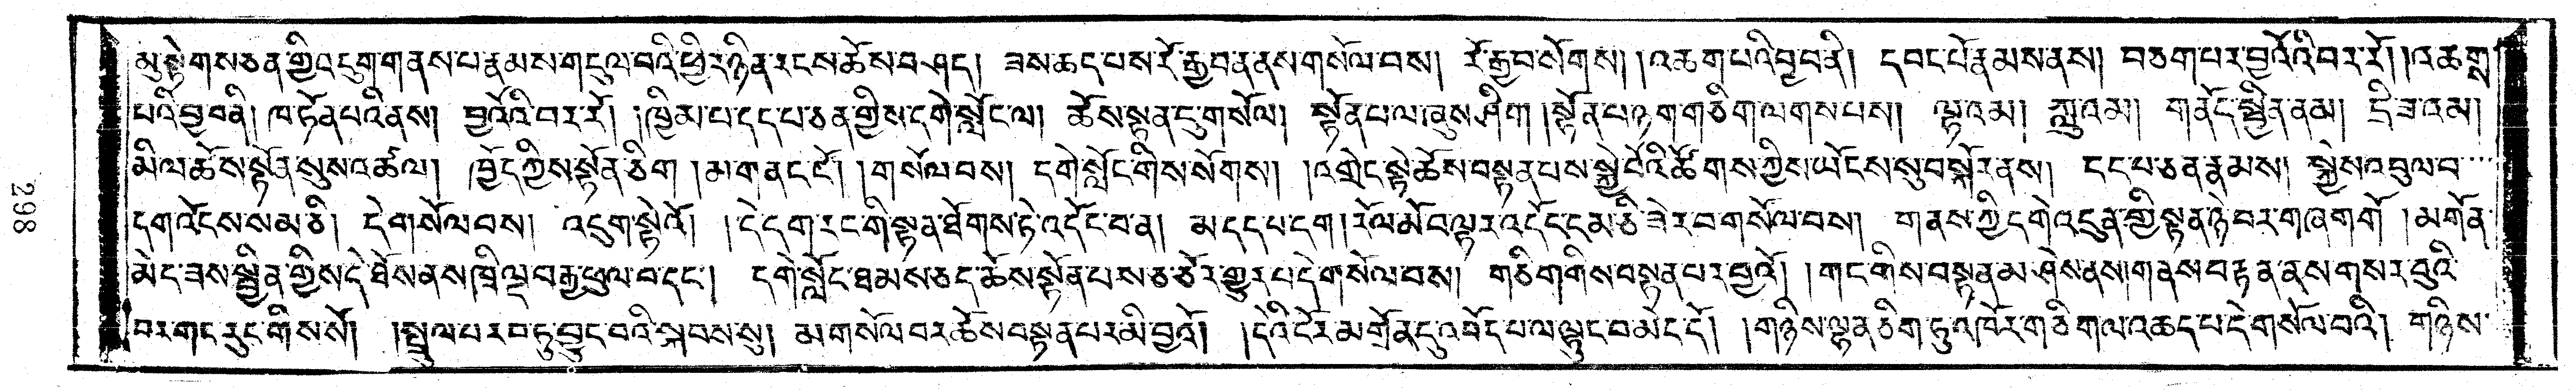མུ་སྟེགས་ཅན་གྱི་འདུག་གནས་པ་རྣམས་གདུལ་བའི་ཕྱིར་ཉིན་རངས་ཆོས་བཤད། ཟས་ཆད་པས་རོ་རྒྱབ་ན་ནས་གསོལ་བས། རོ་རྒྱབ་སོགས། །འཆག་པའི་བྱ་བ་ནི། དབང་པོ་རྣམས་ནས། བཅག་པར་བྱའོའི་བར་རོ། །འཆགས་
པའི་བྱ་བ་ནི། ཁ་ཏོན་པའི་ནས། བྱའོའི་བར་རོ། །ཁྱིམ་པ་དད་པ་ཅན་གྱིས་དགེ་སློང་ལ། ཆོས་སྟན་དུ་གསོལ། སྟོན་པ་ལ་ཞུས་ཤིག །སྟོན་པ་ཉག་གཅིག་ལགས་པས། ལྷའམ། ཀླུའམ། གནོད་སྦྱིན་ནམ། དྲི་ཟའམ།
མི་ལ་ཆོས་སྟོན་སུས་འཚལ། ཁྱོད་ཀྱིས་སྟོན་ཅིག །མ་གནང་ངོ། །གསོལ་བས། དགེ་སློང་གིས་སོགས། །འགྲེང་སྟེ་ཆོས་བསྟན་པས་སྐྱེ་བོའི་ཚོགས་ཀྱིས་ཡོངས་སུ་བསྐོར་ནས། དད་པ་ཅན་རྣམས། སྐྱེས་འབུལ་བ་
དག་འོངས་སམ་ཅི། དེ་གསོལ་བས། འདུག་སྟེའོ། །དེ་དག་རང་གི་སྟན་ཐོགས་ཏེ་འདོད་པ་ན། མ་དད་པ་དག །རོལ་མོ་བ་ལྟར་འདོང་ངམ་ཅི་ཟེར་བ་གསོལ་བས། གནས་ཀྱི་དགེ་འདུན་གྱི་སྟན་ཉེ་བར་གཞག་གོ །མགོན་
མེད་ཟས་སྦྱིན་གྱིས་དེ་ཐོས་ནས་ཁྲི་ལྔ་བརྒྱ་ཕུལ་བ་དང་། དགེ་སློང་ཐམས་ཅད་ཆོས་སྟོན་པས་ཅ་ཅོར་གྱུར་པ་དེ་གསོལ་བས། གཅིག་གིས་བསྟན་པར་བྱའོ། །གང་གིས་བསྟན་པ་མ་ཤེས་ནས། གནས་བརྟན་ནས་གསར་བུའི་
བར་གང་རུང་གིས་སོ། །སྤྲུལ་པ་རབ་ཏུ་བྱུང་བའི་སྐབས་སུ། མ་གསོལ་བར་ཆོས་བསྟན་པར་མི་བྱའོ། །དེའི་ངོར་མགྲོན་དུ་འབོད་པ་ལ་ལྟུང་བ་མེད་དོ། །གཉིས་ལྷན་ཅིག་ཏུ་འཁོར་གཅིག་ལ་འཆད་པ་དེ་གསོལ་བའི། གཉིས་